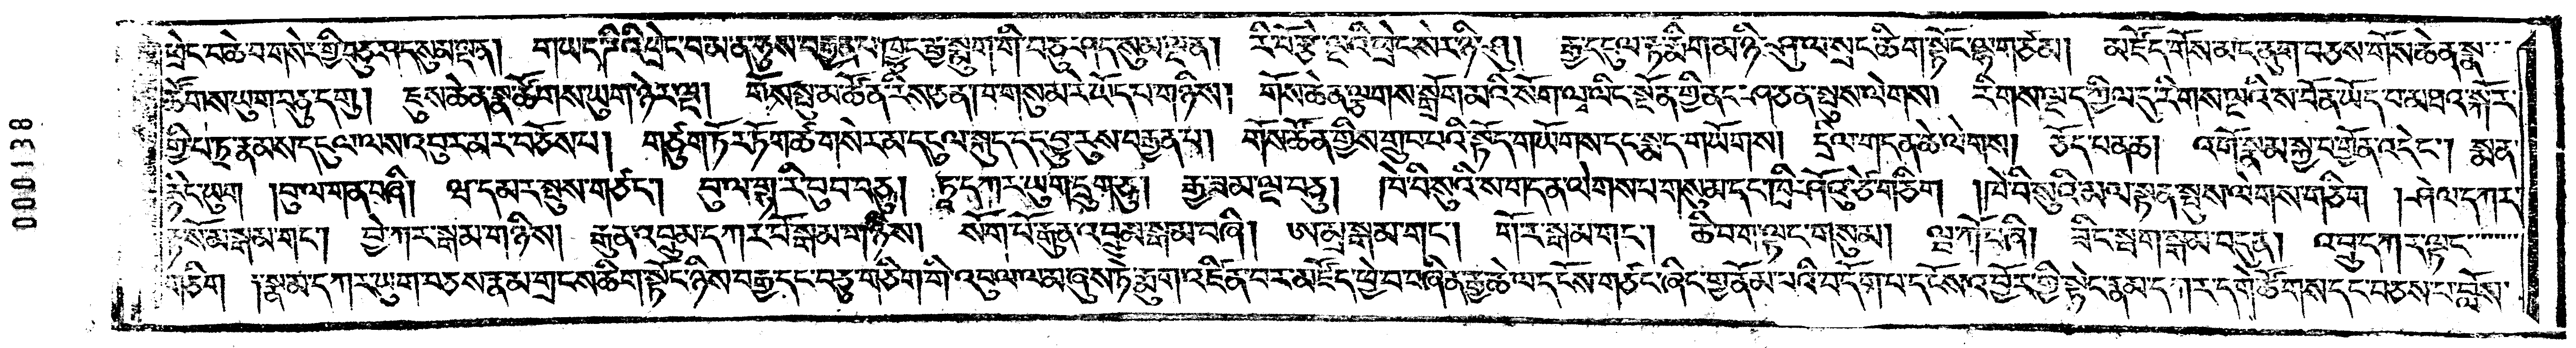ཕྲེང་བ་ཆེ་བ་གསེར་གྱི་བཅུ་ཤད་སུམ་ལྡན། གཡང་ཌིའི་ཕྲེང་བམ་ན་ཧུས་བརྒྱན་པ་ཁྱུང་རྒྱ་སྨུག་གི་བཅུ་ཤད་སུམ་ལྡན། རི་བོ་རྩེ་ལྔའི་ཕྲེང་སེར་ཉི་ཤུ། རྒྱ་དངུལ་རྟ་རྨིག་མ་ཉི་ཤུ་ལ་སྲང་ཆིག་སྟོང་ལྷག་ཙམ། མཛོད་གོས་མང་ནུག་བཅས་གོས་ཆེན་སྣ་
ཚོགས་ཡུག་བཅུ་དགུ། ཇུས་ཆེན་སྣ་ཚོགས་ཡུག་ཉེར་ལྔ། གོས་སྤུ་མ་ཚོན་རིས་ཅན་ཁ་གསུམ་རེ་ཡོད་པ་གཉིས། གོས་ཆེན་ལྕགས་སྒྲོག་མའི་སོག་ལྭ་ལིང་སྔོན་གྱི་ནང་ཤ་ཅན་སྤུས་ལེགས། རིགས་ལྔ་དཀྱིལ་དུ་རིགས་ལྔའི་ས་བོན་ཡོད་པ་མཐའ་སྐོར་
གྱི་པ་ཏྲ་རྣམས་དངུལ་ལས་འབུར་མར་བཅོས་པ། གཙུག་ཏོར་ཏོག་ཚ་གསེར་མེ་དངུལ་སྐུད་དང་བྱུ་རུས་བརྒྱན་པ། གོས་ཚོན་གྱིས་གྲུབ་པའི་སྟོད་གཡོགས་དང་སྨད་གཡོགས། དྲིལ་གདན་ཆེ་ལེགས། ཅོད་པན་ཆ། འགོ་སྣམ་སྐྱབ་གྱོན་འདེང་། སྨན་
རྙིང་ཡུག །བུ་ལ་གན་བཞི། ཝ་དམར་སྤུས་གཙང་། བུལ་གཏ་རི་བུབ་བཅུ། ཏཱ་དཀར་ཡུག་དྲུག་ཅུ། རྒྱ་ཟམ་ལྔ་བཅུ། ཁེ་བི་སུའི་ས་གདན་ལེགས་པ་གསུམ་དང་ཁྲི་ཤོའུ་ཙེ་གཅིག །ཁེ་བི་སུའི་མལ་སྟན་སྦུས་ལེགས་གཅིག །ཤེལ་དཀར་
རྟ་སོམ་སྒམ་གང་། བྱེ་ཀར་སྒམ་གཉིས། རྒུན་འབྲུམ་དཀར་པོ་སྒམ་གཉིས། སོག་པོ་རྒུན་འབྲུམ་སྒམ་བཞི། ཨ་མྲ་སྒམ་གང་། གོ་ར་སྒམ་གང་། ཆི་བ་ག་ལྟང་གསུམ། ཝ་ཀོ་བཞི། ཟིང་སྦག་སྒམ་བདུན། འབྲུ་དཀར་ལྟང་
གཅིག ༑སྣམ་དཀར་ཡུག་བཅས་རྣམ་གྲངས་ཆིག་སྟོང་ཉིས་བརྒྱ་དང་བཅུ་གཅིག་གི་འབུལ་ལམ་ཞུས་ཏེ་རྨུག་འཛིན་བར་མཛོད་ཕྱེ་བ་བཞིན་རྒྱ་ཆེ་ལ་དངོས་གཙང་ཞིང་གྱ་ནོམ་པའི་བདོག་པ་དངོས་འབྱོར་གྱི་སྟེང་རྣམ་དཀར་དགེ་ཚོགས་དང་བཅས་པ་བློས་